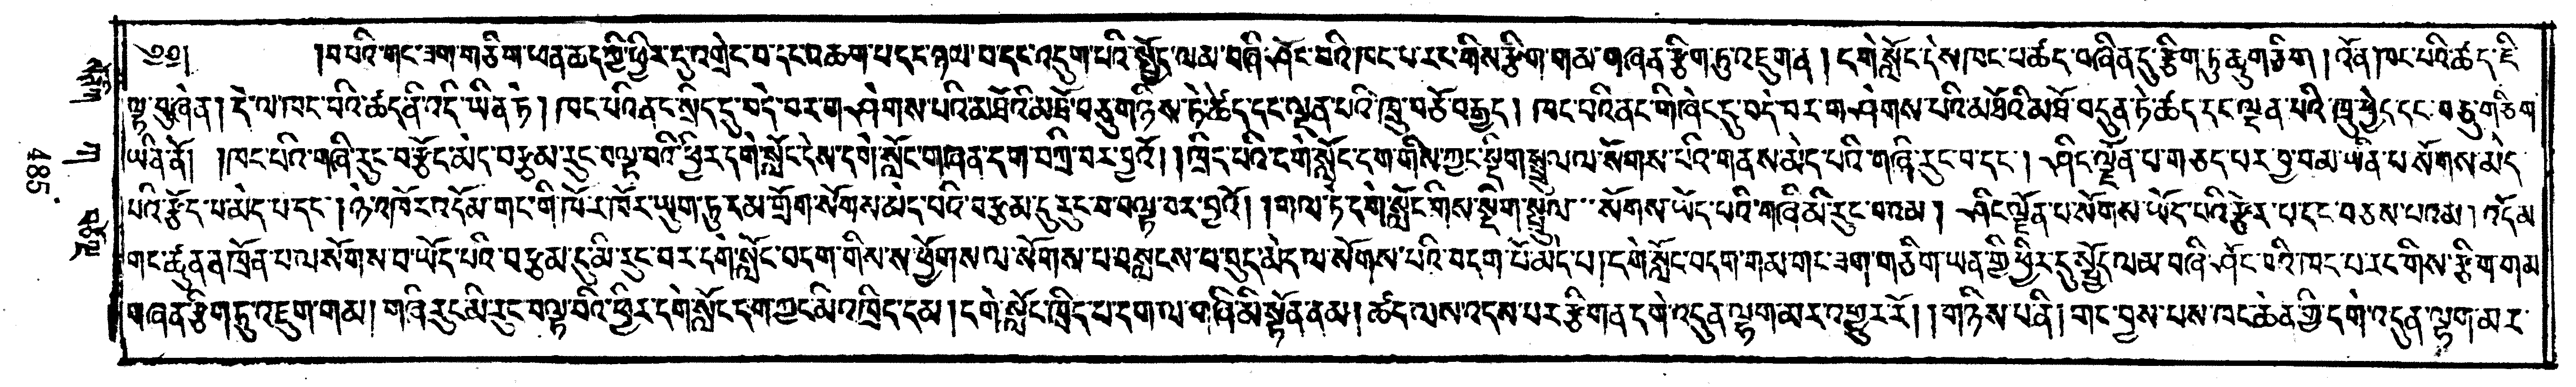༄༅། །བ་པའི་གང་ཟག་གཅིག་ཕན་ཆད་ཀྱི་ཕྱིར་དུ་འགྲེང་བ་དང་འཆག་པ་དང་ཉལ་བ་དང་འདུག་པའི་སྤྱོད་ལམ་བཞི་ཤོང་བའི་ཁང་པ་རང་གིས་རྩིག་གམ་གཞན་རྩིག་ཏུ་འཇུག་ན། དགེ་སློང་དེས་ཁང་པ་ཚད་བཞིན་དུ་རྩིག་ཏུ་ཆུ་གཅིག། འོ་ན་ཁང་པའི་ཚད་ཇི་
ལྟ་བུ་ཞེན། དེ་ལ་ཁང་བའི་ཚད་ནི་འདི་ཡིན་ཏེ། ཁང་པའི་ནང་སྲིད་དུ་བདེ་བར་གཤེགས་པའི་མཐོའི་མཐོ་བཅུ་གཉིས་ཏེ་ཚེད་དང་ལྡན་པའི་ཁྲུ་བཅོ་བརྒྱད། ཁང་བའི་ནང་གི་ཞེང་དུ་བདེ་བར་གཤེགས་པའི་མཐོའི་མཐོ་བདུན་ཏེ་ཚད་དང་ལྡན་པའི་ཁྲུ་ཕྱེད་དང་བཅུ་གཅིག་
ཡིན་ནོ། །ཁང་པའི་གཞི་རུང་བརྩོང་མེད་བརྩམ་རུང་བལྟ་བའི་ཕྱིར་དགེ་སློང་དེས་དགེ་སློང་གཞན་དག་བཀྲི་བར་བྱའོ། །ཁྲིད་པའི་དགེ་སློང་དག་གིས་ཀྱང་སྡིག་སྤྲུལ་ལ་སོགས་པའི་གནས་མེད་པའི་གཞི་རུང་བ་དང་། ཤིང་ལྗོན་པ་གཅད་པར་བྱ་བ་མ་ཡིན་པ་སོགས་མེད་
པའི་རྩོད་པ་མེད་པ་དང་། ཉེ་འཁོར་འདོམ་གང་གི་ཁོར་ཁོར་ཡུག་ཏུ་དམ་གྲོག་སོགས་མེད་པའི་བརྩམ་དུ་རུང་བ་བལྟ་བར་བྱའོ། །གལ་ཏེ་དགེ་སློང་གིས་སྡིག་སྤྲུལ་སོགས་ཡོད་པའི་གཞི་མི་རུང་བའམ། ཤིང་ལྗོན་པ་སོགས་ཡོད་པའི་རྩེར་པ་དང་བཅས་པའམ། འདོམ་
གང་ཚུན་ན་ཁྲོན་པ་ལ་སོགས་བ་ཡོད་པའི་བརྩམ་དུ་མི་རུང་བར་དགེ་སློང་བདག་གིས་ས་ཕྱོགས་ལ་སོགས་པ་བསླངས་བ་བུད་མེད་ལ་སོགས་པའི་བདག་པོ་མེད་པ། དགེ་སློང་བདག་གམ་གང་ཟག་གཅིག་ཡན་གྱི་ཕྱིར་དུ་སྤྱོད་ལམ་བཞི་ཤོང་བའི་ཁང་པ་རང་གིས་རྩིག་གམ་
གཞན་རྩིག་ཏུ་འཇུག་གམ། གཞི་རུང་མི་རུང་བལྟ་བའི་ཕྱིར་དགེ་སློང་དག་ཀྱང་མི་འཁྲིད་དམ། དགེ་སློང་ཁྲིད་པ་དག་ལ་གཞི་མི་སྟོན་ནམ། ཚད་ལས་འདས་པར་རྩིག་ན་དགེ་འདུན་ལྷག་མར་འགྱུར་རོ། །གཉིས་པ་ནི། གང་བྱས་པས་ཁང་ཆེན་གྱི་དགེ་འདུན་ལྷག་མར་